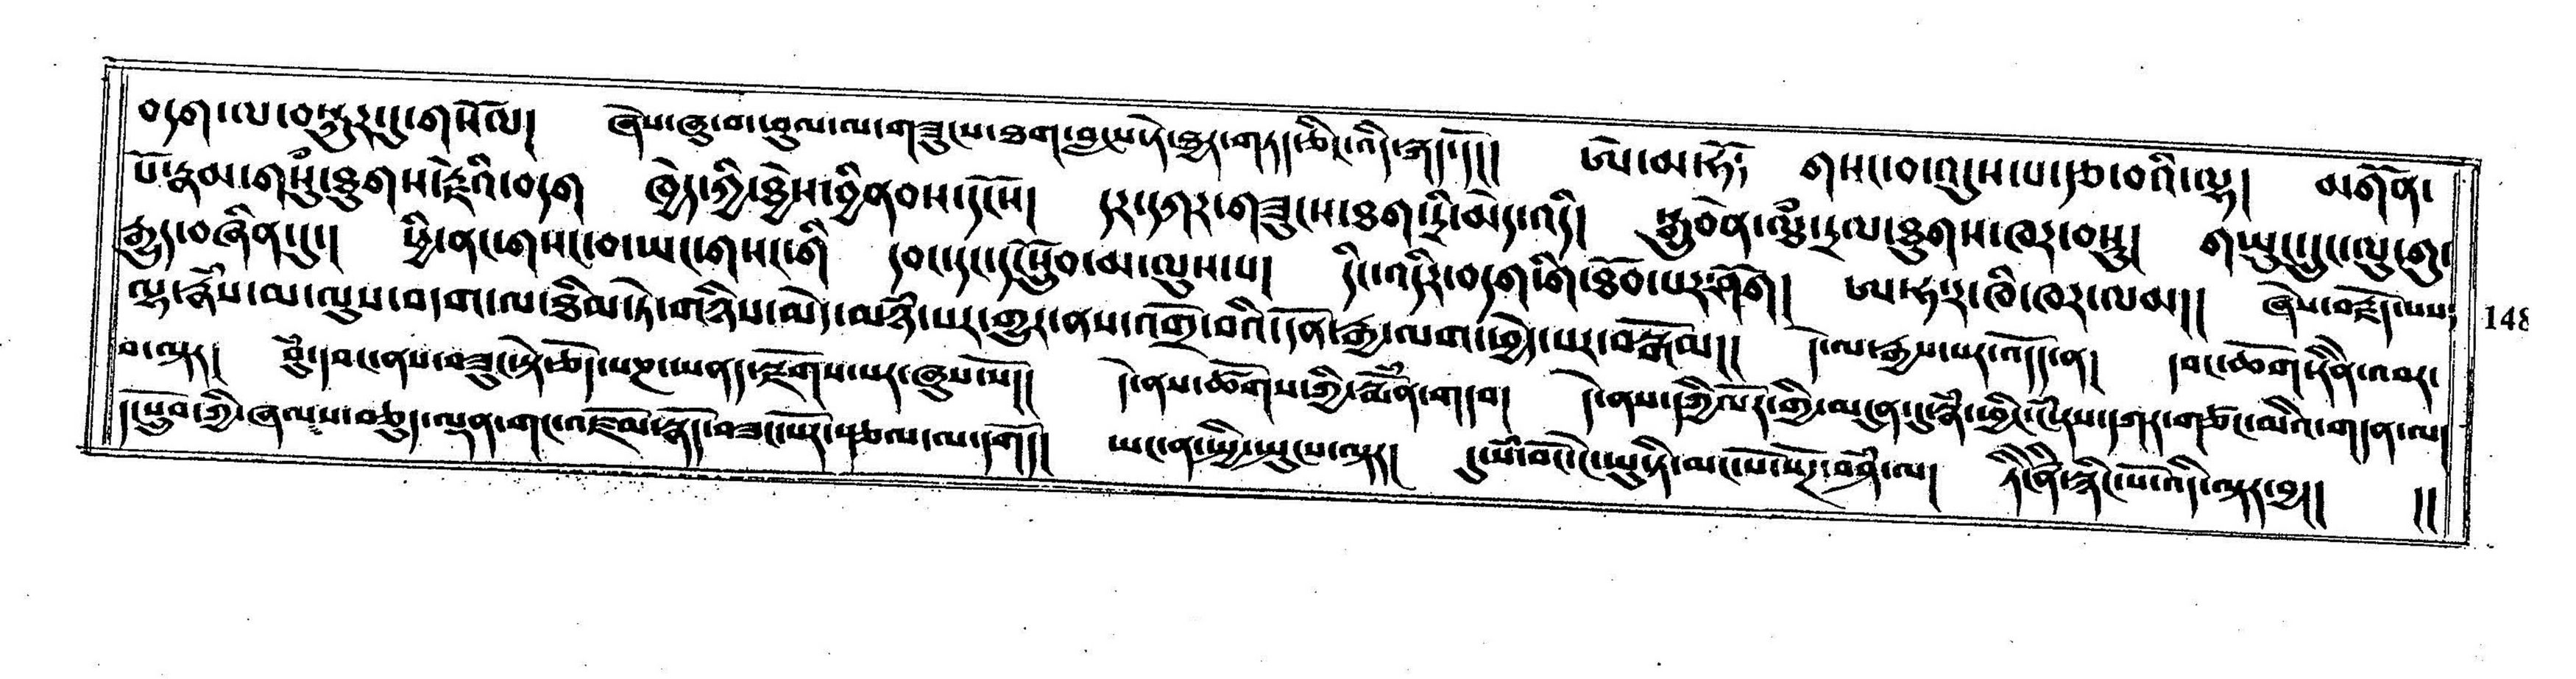བདག་ལ་བསྐུར་དུ་གསོལ། ཞེས་ཞུ་བ་ཕུལ་ལ་གཟུངས་ཐག་བླངས་ཏེ་ཐུགས་ཀར་གཏད་ཅིང་འདི་སྐད་དོ།། ཨེ་མ་ཧོ གསང་བ་འདུས་པ་རྩ་བའི་ལྷ། མགོན་
པོ་རྣམ་གསུམ་ཐུགས་རྗེའི་བདག ཁྱེད་ཀྱི་ཐུགས་རྗེས་བྱིན་རླབས་དངོས། དར་དཀར་གཟུངས་ཐག་དྲི་མེད་འདི། སྒྲུབ་གཤེན་ལྕམ་དྲལ་ཐུགས་ཁར་བསྡུ། གཡུང་དྲུང་ལུ་གུ་
རྒྱུད་བཞིན་དུ། ཕྱི་ནང་གསང་བ་ཡང་གསང་གི དབང་དང་དངོས་གྲུབ་མ་ལུས་པ། དིང་འདིར་བདག་གི་ཐོབ་པར་ཤོག ཨ་ཧ་ར་ཁི་ཁར་ལམ།། ཞེས་བརྗོད་པས 
ལྷ་རྣམས་མ་ལུས་བདག་ལ་ཐིམ་ཏེ་གཉིས་མེད་མཉམ་པར་གྱུར་ནས་འགྲོ་བའི་དོན་རྒྱ་ལག་ཕྱེད་པར་བསྒོམ།། དེ་ལ་རྒྱས་པར་འདོད་ན། དབང་ཆོག་རིན་ཆེན་འབར་
བ་ལྟར། བུམ་དབང་ནས་བཟུང་སྟེ་ཅོད་པཎ་ཡན་ཆད་རྫོགས་པར་ཞུས་སོ།། དེ་ནས་ཚོགས་ཀྱི་སྨོན་ལམ་གདབ། དེ་ནས་དཀྱིལ་འཁོར་གྱི་མདུན་དུ་སྣམ་ཕྱིང་ངམ་རས་དཀར་གཙང་མའི་གདན་ལ། 
དངོས་གྲུབ་ཀྱི་ཞལ་ཟས་བཅུད་ལྡན་གང་འཛོམ་སྣོད་བཟང་པོར་སྩལ་ལ་དགོད། ཡང་ན་སྤྱི་སྤུངས་ལྟར། དུ་སམ་བོང་ངེ་ཡུ་ཏི་མང་པོ་སོགས་བཤམ་ལ། ཏིང་ངེ་འཛིན་སྙིང་པོ་འདི་ལྟར་བྱ།།